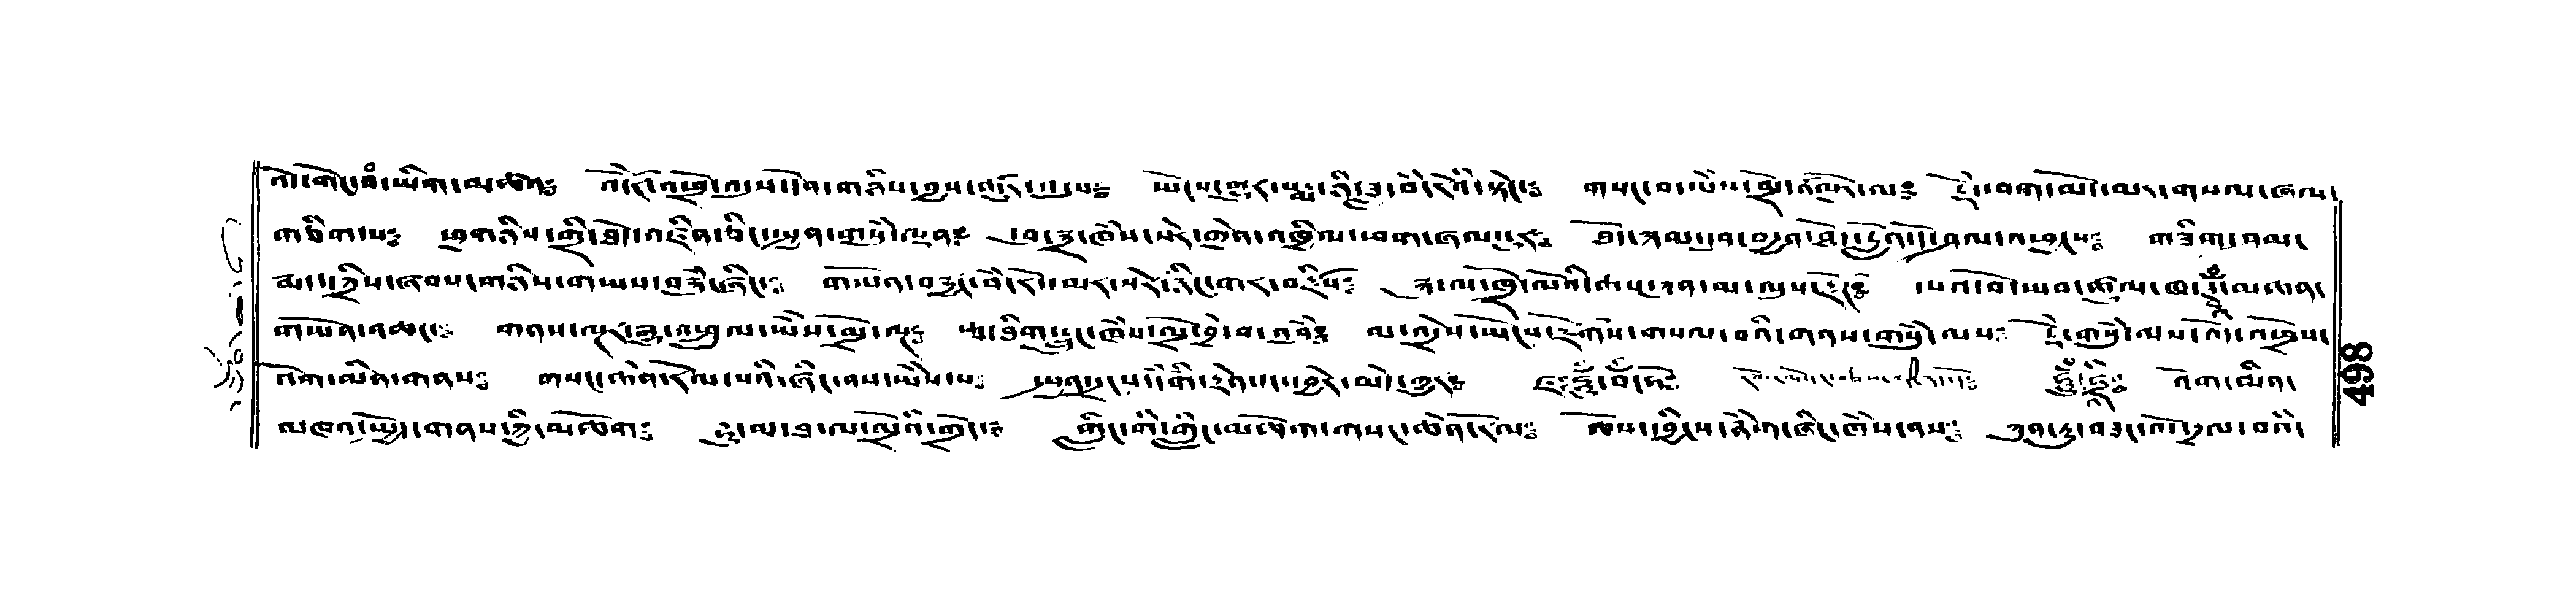འོད་གོང་བཾ་ཡིག་མཚན༔ འོད་ཟེར་འཕྲོ་འདུས་དོན་གཉིས་བྱས་ཚུར་འདུས༔ ཡོངས་གྱུར་པདྨ་ཉི་ཟླ་བམ་རོའི་སྟེང༔ གསང་བ་ཡེ་ཤེས་མཁའ་འགྲོ་རྣལ་འབྱོར་ལ༔ རྡོ་རྗེ་ཕག་མོ་དམར་གསལ་ཞལ་
གཅིག་པ༔ ཕྱག་གཉིས་གྲི་ཐོད་འཛིན་ཅིང་སྤྱན་གསུམ་ལྡན༔ དབུ་སྐྲ་ཁམས་སེར་གྱེན་འཁྱིལ་ཕག་ཞལ་ངུར༔ ཐོད་སྐམ་དབུ་བརྒྱན་ཐོད་རློན་དོ་ཤལ་འཕྱང༔ གཟིག་ཤམ་
སྨད་དཀྲིས་ཞབས་གཉིས་གཡས་བསྐུམས་ཤིང༔ གཡོན་བརྐྱངས་བམ་རོ་དམར་སེར་སྙིང་གར་བརྫིས༔ སྐུ་ལ་ཁྲོ་མོའི་ཆས་ཀུན་མ་ལུས་རྫོགས༔ དཔའ་བོ་ཡབ་ཚུལ་ཁ་ཊྭཱྃ་མཆན་
གཡོན་འཆང༔ གནས་ལྔར་སྒྱུ་འཕྲུལ་ཡེ་ཤེས་མཁའ་འགྲོ་ལྔ༔ རྩ་ཐིག་རླུང་ཁམས་མཁའ་འགྲོ་བྱེ་བ་འབུམ༔ མ་འདྲེས་ཡོངས་རྫོགས་གསལ་བའི་གནས་གསུམ་ལས༔ རྡོ་རྗེ་གསུམ་ལས་འོད་འཕྲོས་
འོག་མིན་གནས༔ གསང་ཆེན་རོལ་པའི་ཞིང་ནས་ཡེ་ཤེས་པ༔ སྤྱན་དྲངས་དམ་ཚིག་རྟེན་དང་དབྱེར་མེད་གྱུར༔ ཛཿཧཱུྃ་བྃ་ཧོཿ རོལ་མོ་དང་བཅས་འདི་སྐད་དོ༔ ཧཱུྃ་ཧྲཱིཿ འོག་མིན་
མཁའ་སྤྱོད་གནས་ཀྱི་མཆོག༔ དྷུ་མ་ཐ་ལ་མཁའ་འགྲོའི་གྲོང༔ གླིང་གི་གླིང་མཆོག་གསང་ཆེན་རོལ༔ ཆོས་དབྱིངས་རྣམ་དག་ཞིང་ཁམས་ནས༔ ཀུན་ཏུ་བཟང་མོ་རྒྱལ་བའི་